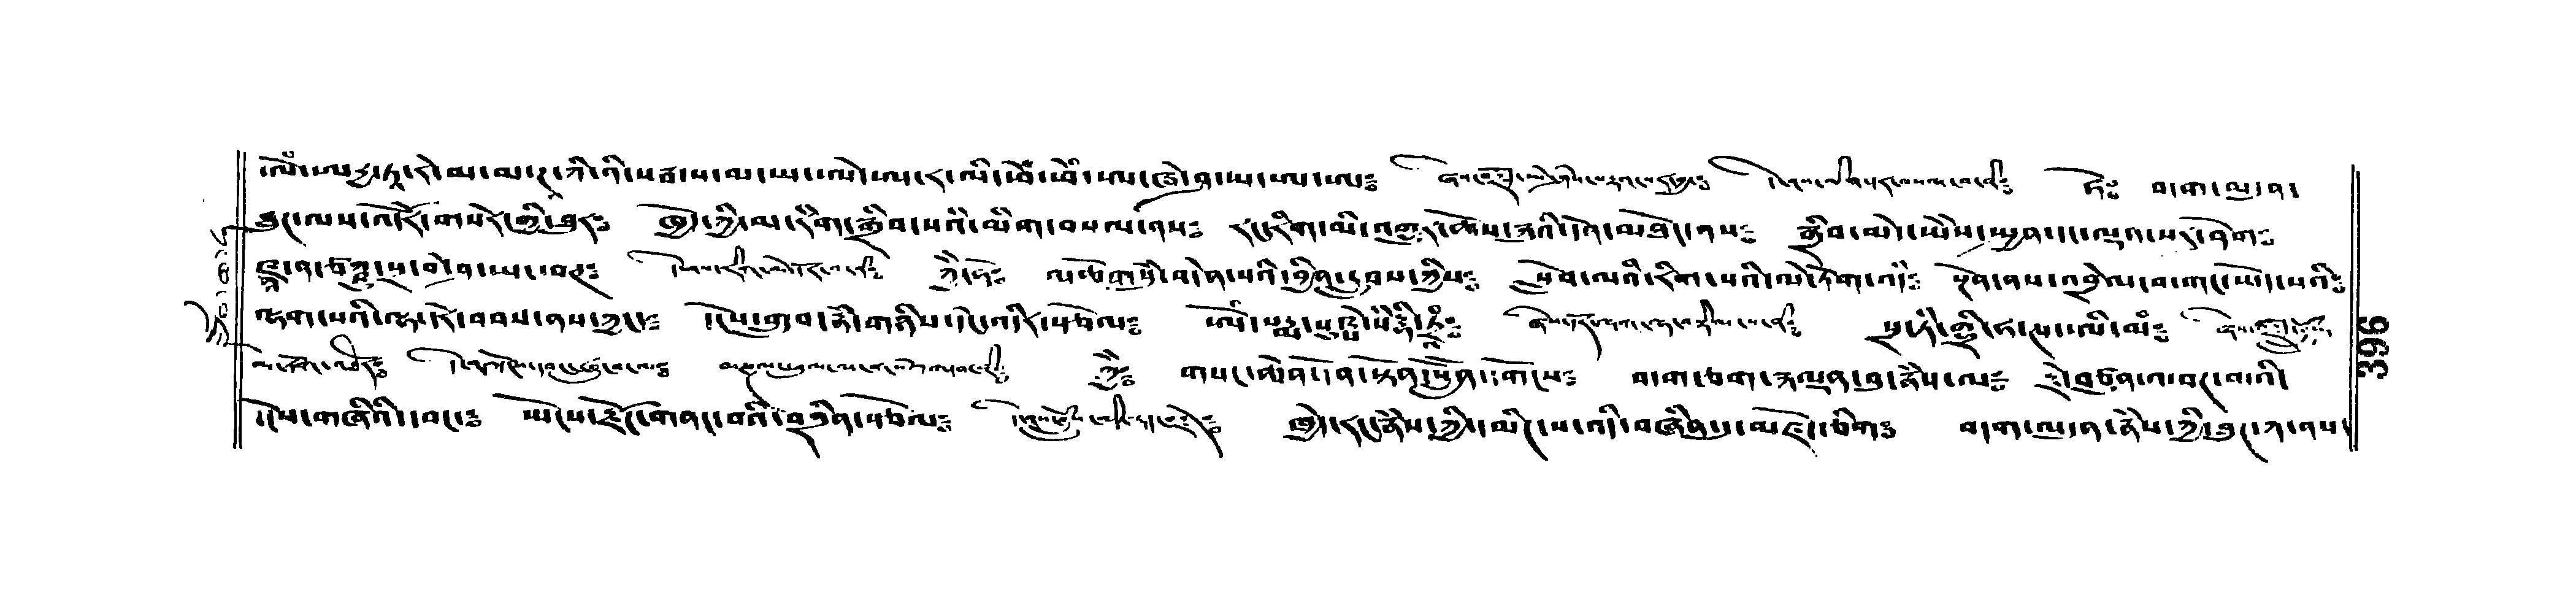ཨོཾ་ཨཱརྻ་ཏཱ་རེ་མ་མ་ཌཱ་ཀི་ནི་སརྦ་ས་མ་ཡ་ཨེ་ཨ་ར་ལི་ཕེཾ་ཕེཾ་ཨ་ཝེ་ཤ་ཡ་ཨ་ཨཱཿ ཞེས་བརྗོད་ཡེ་ཤེས་བརྟན་པར་བྱ༔ དེ་ནས་མིག་དར་བསལ་བ་ནི༔ ཧོཿ བདག་མདུན་
ཐུགས་ལས་འོད་ཟེར་གསེར་གྱི་ཐུར༔ ཁྱེད་ཀྱི་མ་རིག་སྒྲིབ་པའི་མིག་བསལ་ནས༔ རང་རིག་མི་འགྱུར་ཆོས་སྐུའི་དོན་མཐོང་ནས༔ སྒྲིབ་མེད་ཡེ་ཤེས་སྤྱན་དང་ལྡན་པར་ཤོག༔ 
ཛྙཱ་ན་ཙཀྵུ་པྲ་བེ་ཤ་ཡ་ཕཊ༔ དེ་ནས་རིག་མེ་དོར་བ་ནི༔ ཀྱཻ་ཧོ༔ མཆོག་གསུམ་བདེན་པའི་བྱིན་རླབས་ཀྱིས༔ སློབ་མའི་རིག་པའི་མེ་ཏོག་འདི༔ སྔོན་ནས་འབྲེལ་བ་གང་ཡོད་པའི༔ 
ལྷག་པའི་ལྷ་དེར་བབས་ནས་ཀྱང༔ དངོས་གྲུབ་རྣམ་གཉིས་དེང་འདིར་སྩོལ༔ ཨོཾ་པདྨ་པུཥྤེ་སིདྡྷི་ཏྲཱཾ༔ ཞེས་དོར་ལྷག་ལྷ་བསྟིམ་པ་ནི༔ པྲ་ཏི་གྷྲི་ཧ་ཎ་ཨི་མཾ༔ ཞེས་བརྗོད་བླ་མས་
མེ་ཏོག་འཐོར༔ དེ་ནས་དངོས་དབང་ཞུ་བ་ལ༔ མཎྜལ་ཕུལ་ལ་གསོལ་གདབ་ནི༔ ཀྱཻ༔ གསང་ཆེན་དོན་སྟོན་སློབ་དཔོན་དགོངས༔ བདག་ཅག་སྐལ་ལྡན་བུ་རྣམས་ལ༔རྗེ་བཙུན་འཕགས་མའི་
དངོས་གཞིའི་དབང༔ ཡོངས་རྫོགས་གནང་བའི་བཀའ་དྲིན་སྩོལ༔ དེ་ནས་བླ་མས་འདི་སྐད་བརྗོད༔ ཁྱེད་རང་རྣམས་ཀྱི་དམིགས་པ་འདི་བཞིན་དུ་མཛོད་ཅིག༔ བདག་མདུན་རྣམས་ཀྱི་ཐུགས་ཀ་ནས་